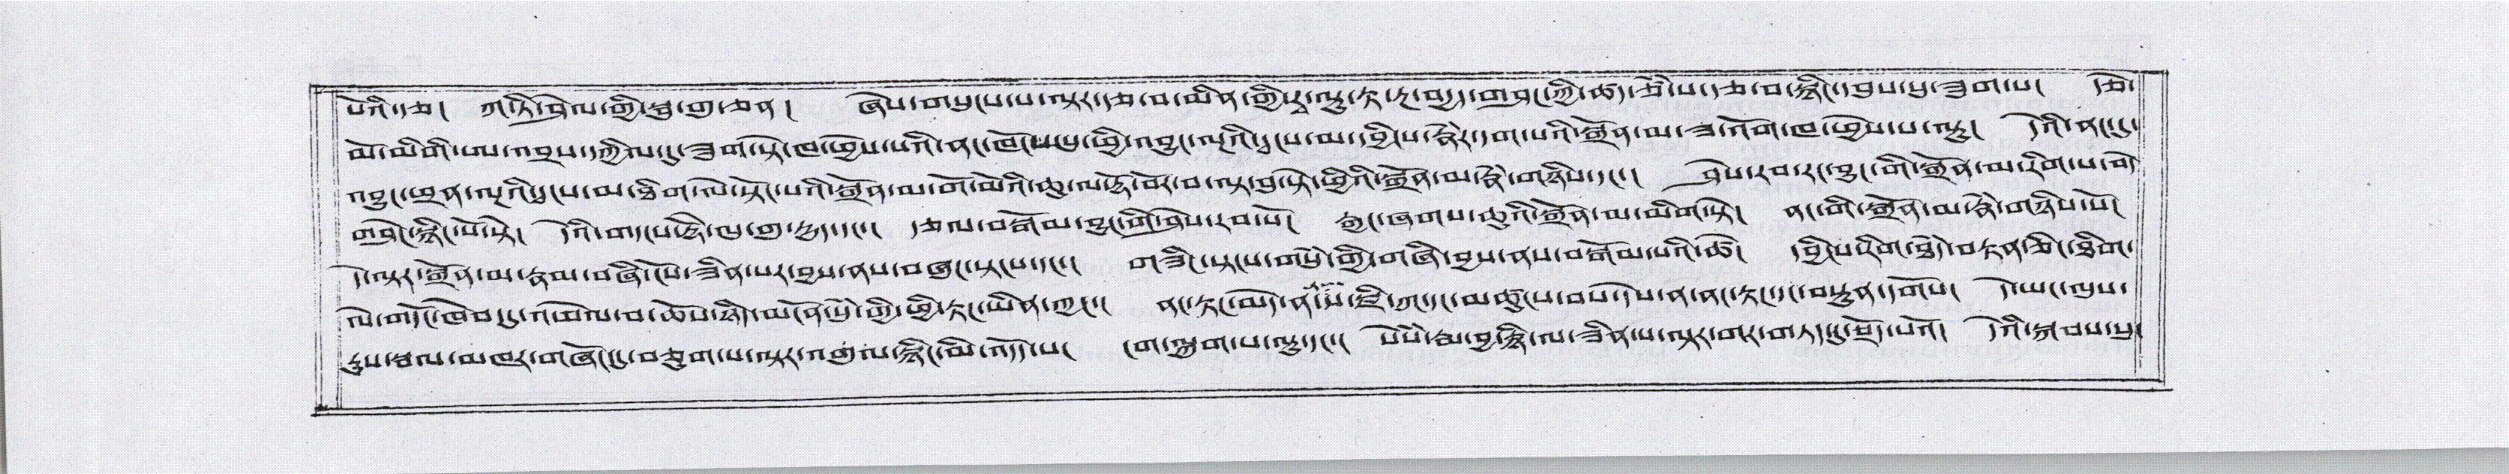པོའི་རྩ། ཀ་ཏི་ཤེལ་གྱི་སྦུ་གུ་ཅན། ཞེས་གསུངས་པ་ལྟར་རྩ་བ་ཡིན་གྱི་རྭ་ལྟ་བུ་རྟ་རྔ་བརྒྱད་གཤགས་ཀྱི་ཚད་ཙམ་པ་རྩ་བ་སྙིང་དབུས་སུ་ཟུག་པ། རྩེ་
མོ་མིག་གི་ཨ་འབྲས་ཀྱི་དཀྱིལ་དུ་ཟག་སྟེ་ཁ་ཕྱེས་པའི་ནང་ཁོངས་སུ་ཕྱི་འབྱུང་ལྔའི་དྭངས་མ་དབྱིངས་རྣམ་པར་དག་པའི་སྒྲོན་མ་ཟ་འོག་ཁ་ཕྱེས་པ་ལྟ་བུ། དེའི་ནང་དུ་
འབྱུང་ཕྲན་ལྔའི་དྭངས་མ་ཐིག་ལེ་སྟོང་པའི་སྒྲོན་མ་གོ་མོའི་ཆུ་ལ་རྡོ་བོར་བ་ལྟ་བུ་སྟེ་ཕྱིའི་སྒྲོན་མ་རྣམ་གཉིས་དང་། ཤེས་རབ་རང་བྱུང་གི་སྒྲོན་མ་རིག་པ་བདེར་
གཤེགས་སྙིང་པོ་སྟེ། དེའི་གདངས་རྡོ་རྗེ་ལུ་གུ་རྒྱུད་དང་། རྩལ་སྒོམ་བྱུང་གི་ཤེས་རབ་བོ། རྒྱང་ཞགས་ཆུ་ཡི་སྒྲོན་མ་མིག་སྟེ། ནང་གི་སྒྲོན་མ་རྣམ་གཉིས་སོ། 
དེ་ལྟར་སྒྲོན་མ་རྣམ་བཞི་ངོས་ཟིན་པར་བྱས་ནས་བཞུགས་སྟངས་དང་གཟིགས་སྟངས་གསུམ་གྱི་གཞི་བྱས་ནས་བསྒོམ་པའི་ཚེ། དབྱིངས་རིག་ཐམས་ཅད་བརྟན་ཅིང་ཐིག་
ལེ་གདོང་ཁེབ་ཏུ་འཕེལ་བ་ཆོས་ཉིད་མངོན་སུམ་གྱི་ཕྱི་རྟགས་ཡིན་ཀྱང་། ནང་རྟགས་མེད་ན་ནས་ས་རྫི་ཀ་དང་མཚུངས་པས་དེས་ན་ནང་རྟགས་དང་བསྟུན་དགོས། དེ་ཡང་ལུས་
རུས་སྦལ་འཁར་གཞོང་དུ་བཅུག་པ་ལྟར་འགུལ་སྙིང་མི་འདོད་པ། ངག་ལྐུགས་པ་ལྟ་བུ་དང་། སེམས་རྨ་བྱ་རྙི་ལ་ཟིན་པ་ལྟར་གར་གཏད་དུ་སྡོད་པའོ། དེའི་སྐབས་སུ་